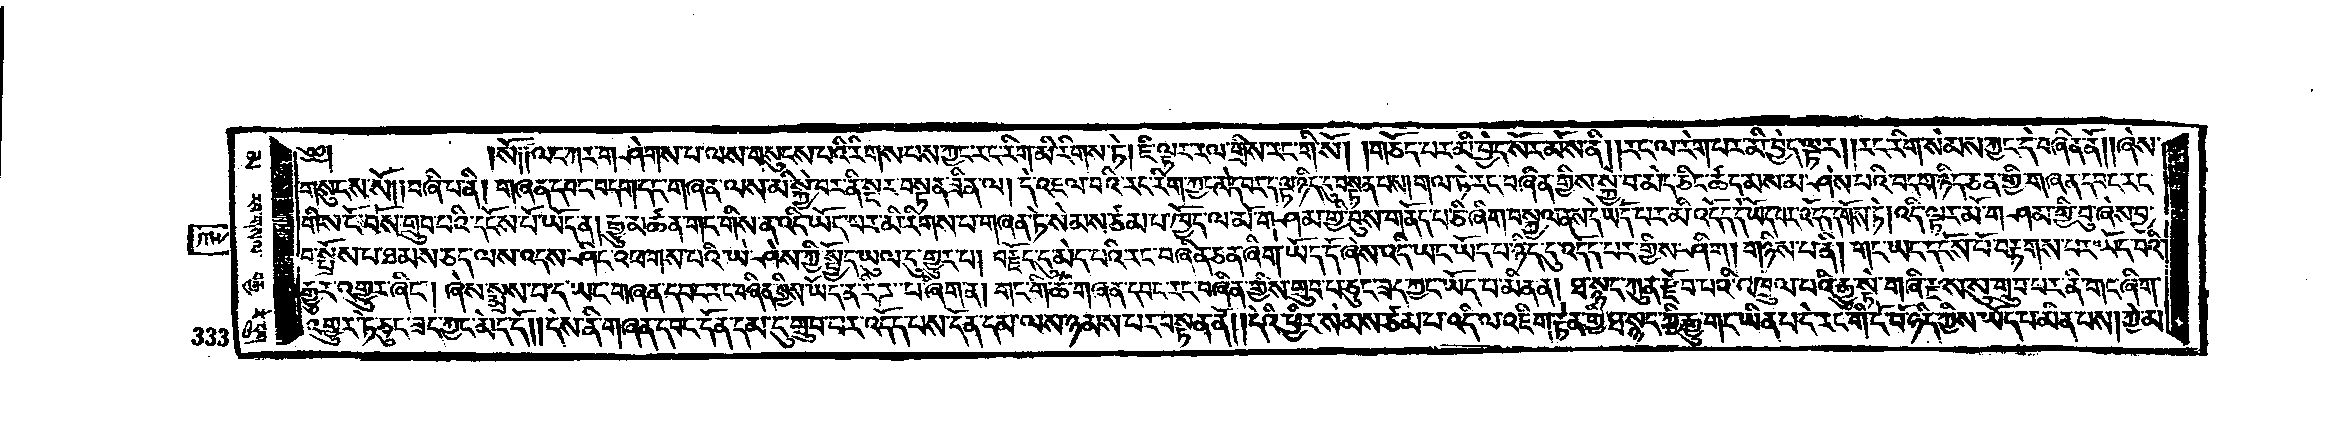༄༅། །སོ། །ལང་ཀར་གཤེགས་པ་ལས་གསུངས་པའི་རིགས་པས་ཀྱང་རང་རིག་མི་རིགས་ཏེ། ཇི་ལྟར་རལ་གྲིས་རང་གི་སོ། །གཅོད་པར་མི་བྱེད་སོར་མོས་ནི། །རང་ལ་རེག་པར་མི་བྱེད་ལྟར། །རང་རིག་སེམས་ཀྱང་དེ་བཞིན་ནོ། །ཞེས་
གསུངས་སོ། །བཞི་པ་ནི། གཞན་དབང་བདག་དང་གཞན་ལས་མི་སྐྱེ་བར་ནི་སྔར་བསྟན་ཟིན་ལ། དེ་འཇལ་བའི་རང་རིག་ཀྱང་མེད་བར་ད་ལྟ་ཉིད་དུ་བསྟན་པས། གལ་ཏེ་རང་བཞིན་གྱིས་སྐྱེ་བ་མེད་ཅིང་ཚད་མས་མ་ཤེས་པའི་བདག་ཉིད་ཅན་གྱི་གཞན་དབང་རང་
གིས་ངོ་བོས་གྲུབ་པའི་དངོས་པོ་ཡོད་ན། རྒྱུ་མཚན་གང་གིས་ན་འདི་ཡོད་པར་མི་རིགས་པ་གཞན་ཏེ་སེམས་ཙམ་པ་ཁྱོད་ལ་མོ་གཤམ་གྱི་བུས་གནོད་པ་ཅི་ཞིག་བསྐྱལ་ནས་དེ་ཡོད་པར་མི་འདོད་དེ་ཡོད་པར་འདོད་དགོས་ཏེ། འདི་ལྟར་མོ་གཤམ་གྱི་བུ་ཞེས་བྱ་
བ་སྤྲོས་པ་ཐམས་ཅད་ལས་འདས་ཤིང་འཕགས་པའི་ཡེ་ཤེས་ཀྱི་སྤྱོད་ཡུལ་དུ་གྱུར་པ། བརྗོད་དུ་མེད་པའི་རང་བཞིན་ཅན་ཞིག་ཡོད་དོ་ཞེས་འདི་ཡང་ཡོད་པ་ཉིད་དུ་འདོད་པར་གྱིས་ཤིག །གཉིས་པ་ནི། གང་ཡང་དངོས་པོ་བརྟགས་པར་ཡོད་བའི་
རྒྱུར་འགྱུར་ཞིང་། ཞེས་སྨྲས་པ་དེ་ཡང་གཞན་དབང་རང་བཞིན་གྱིས་ཡོད་ན་རིགས་པ་ཞིག་ན། གང་གི་ཚེ་གཞན་དབང་རང་བཞིན་གྱིས་གྲུབ་པ་ཅུང་ཟད་ཀྱང་ཡོད་པ་མིན་ན། ཐ་སྙད་ཀུན་རྫོབ་པའི་འཁྲུལ་པའི་རྒྱུ་སྟེ་གཞི་རྫས་སུ་གྲུབ་པར་ནི་གང་ཞིག་
འགྱུར་ཏེ་ཅུང་ཟད་ཀྱང་མེད་དོ། །དེས་ནི་གཞན་དབང་དོན་དམ་དུ་གྲུབ་པར་འདོད་པས་དོན་དམ་ལས་ཉམས་པར་བསྟན་ནོ། །དེའི་ཕྱིར་སེམས་ཙམ་པ་འདི་ལ་འཇིག་རྟེན་གྱི་ཐ་སྙད་ཀྱི་རྒྱུ་གང་ཡིན་པ་དེ་རང་གི་ངོ་བོ་ཉིད་ཀྱིས་ཡོད་པ་མིན་པས། ཀྱེ་མ་